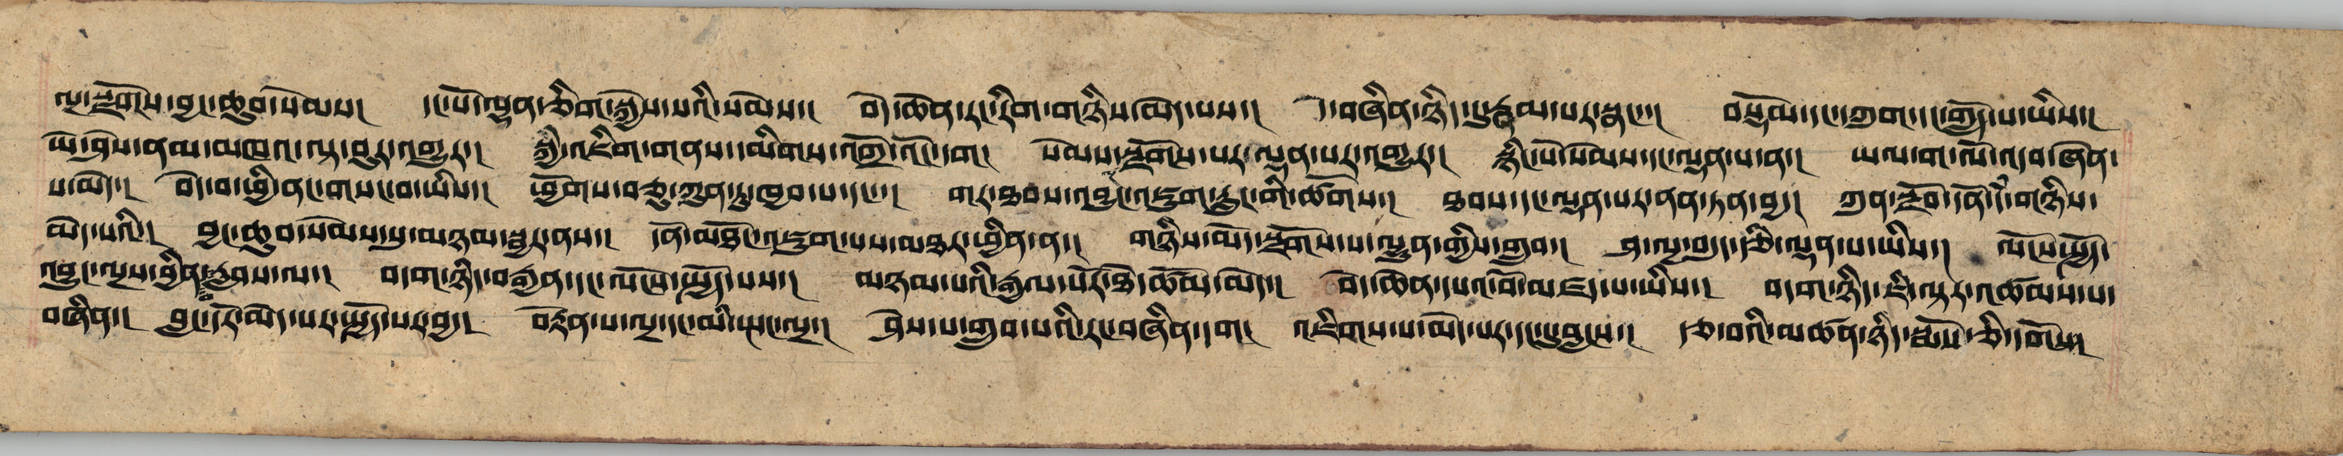ལྔ་སྫོགས་བྱང་ཆུབ་སེམས། དང་པོ་ལྷན་ཅིག་སྐྱེས་པའི་སེམས་། བདེ་ཆེན་རང་རིག་གཉིས་མེད་པས་། དེ་བཞིན་ཉིད་དུ་རྣམ་པར་སྣང་་། བསྡོམ་དང་དགུག་དང་གློད་པ་ཡིས་།
ཡེ་ཤེས་ནམ་མཁའ་ལྟ་བུར་འགྱུར་། སྐྱི་འཇིག་གནས་དམིགས་འགྲོ་འོང་དག། སེམས་ལྔ་སྫོགས་པར་ལྡན་པར་འགྱུར་། སྙིང་པོ་སེམས་དང་ལྡན་པ་ན་། ཡལ་ག་ལོ་འདབ་ཞེན་
པ་མེད་། བདེ་བ་ཕྱི་ནང་གསང་བ་ཡིས་། ཕྱོགས་བཅུ་ཀུན་ཏུ་ཁྱབ་པ་དང་་། གར་ཐབས་འབྱུང་འཇུག་རླུང་གི་ཚོགས་། ཐབས་དང་ལྡན་པར་ནན་ཏན་བྱ་། ཀུན་སྫོབ་དོན་དཾ་གཉིས་
མེད་པའི་། བྱང་ཆུབ་སེམས་སུ་མཉམ་སྦྱར་ནས་། དོན་མཐོང་འཇུག་པས་མཐར་ཕྱིར་ན་། གཉིས་མེད་སྫོགས་པ་ལྷུན་གྱིས་གྲུབ་། ཤ་ལྔ་བདུད་རྩི་ལྡན་པ་ཡིས་། ལོངས་སྤྱོད་
འབྱུང་ལྔས་བྱིན་རླབས་ལ་། བདག་ཉིད་བརྒྱན་དང་ལོངས་སྤྱོད་པས་། མཉམ་པའི་རྒྱལ་པོར་ཐེ་ཚོམ་མེད་། བདེ་ཆེན་དཔའ་བོ་མཛད་པ་ཡིས་། བདག་ཉིད་ཇི་ལྟར་འཚམས་པ་
བཞིན་། བླང་དོར་མེད་པར་སྤྱོད་པར་བྱ་། བརྟེན་པ་ལྔ་དང་མི་སྤང་ལྔ་། ཤེས་པ་གྲུབ་པའི་རང་བཞིན་དག། འཇིག་པ་མེད་པར་དང་དུ་བླངས་། རྩ་བའི་མཚན་ཉིད་སྨོས་ཅི་དགོས་།